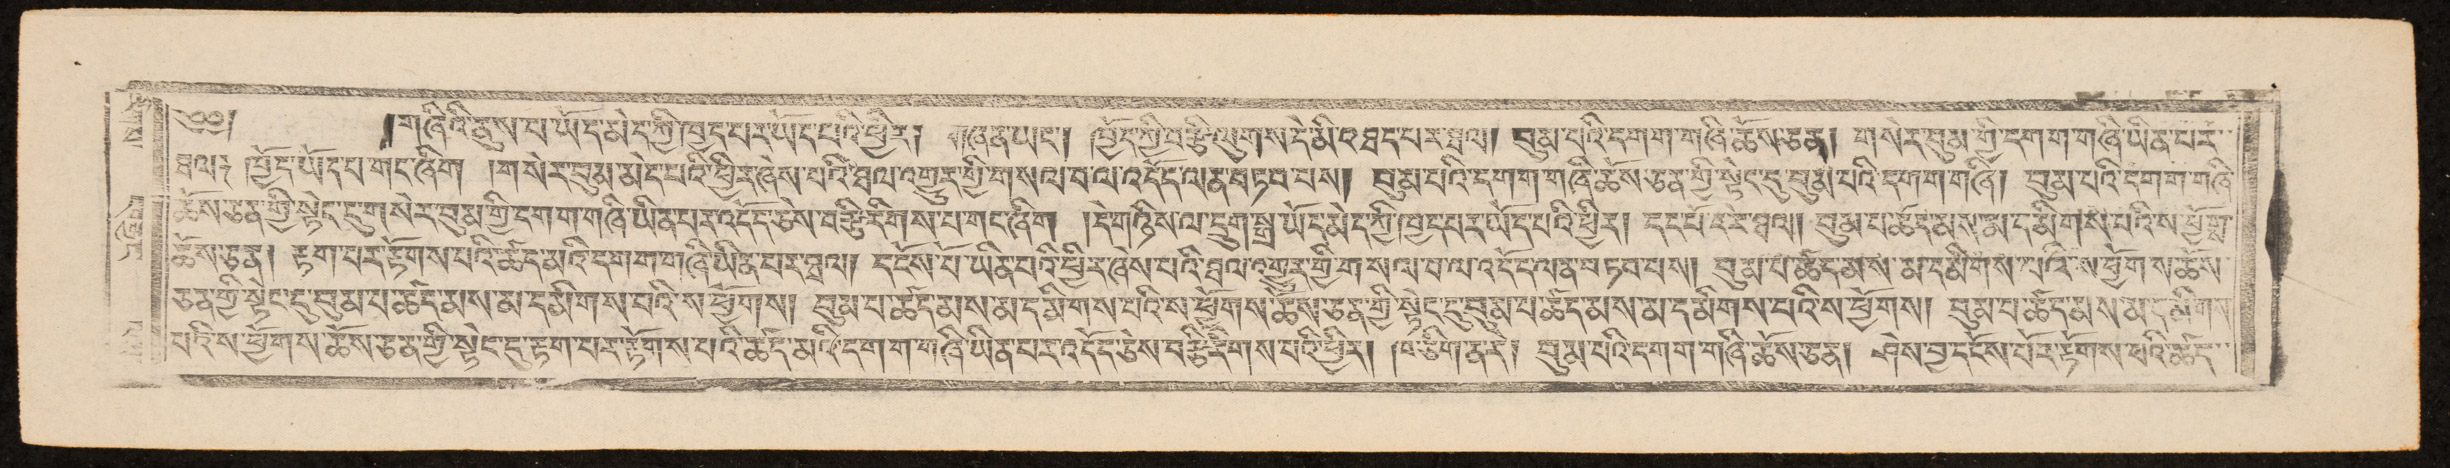༄༅། །གཞིའི་ནུས་པ་ཡོད་མེད་ཀྱི་ཁྱད་པར་ཡོད་པའི་ཕྱིར། གཞན་ཡང་། ཁྱོད་ཀྱི་བརྩི་ལུགས་དེ་མི་འཐད་པར་ཐལ། བུམ་པའི་དགག་གཞི་ཆོས་ཅན། གསེར་བུམ་གྱི་དགག་གཞི་ཡིན་པར་
ཐལ། ཁྱོད་ཡོད་པ་གང་ཞིག །གསེར་བུམ་མེད་པའི་ཕྱིར་ཞེས་པའི་ཐལ་འགྱུར་གྱི་གསལ་བ་ལ་འདོད་ལན་བཏབ་པས། བུམ་པའི་དགག་གཞི་ཆོས་ཅན་གྱི་སྟེང་དུ་བུམ་པའི་དགག་གཞི། བུམ་པའི་དགག་གཞི་
ཆོས་ཅན་གྱི་སྟེང་དུ་གསེར་བུམ་གྱི་དགག་གཞི་ཡིན་པར་འདོད་ཅེས་བརྩི་རིགས་པ་གང་ཞིག །དེ་གཉིས་ལ་དྲུག་སྒྲ་ཡོད་མེད་ཀྱི་ཁྱད་པར་ཡོད་པའི་ཕྱིར། དང་པོ་དེར་ཐལ། བུམ་པ་ཚད་མས་མ་དམིགས་པའི་ས་ཕྱོགས་
ཆོས་ཅན། རྟག་པར་རྟོགས་པའི་ཚད་མའི་དགག་གཞི་ཡིན་པར་ཐལ། དངོས་པོ་ཡིན་པའི་ཕྱིར་ཞེས་པའི་ཐལ་འགྱུར་གྱི་གསལ་བ་ལ་འདོད་ལན་བཏབ་པས། བུམ་པ་ཚད་མས་མ་དམིགས་པའི་ས་ཕྱོགས་ཆོས་
ཅན་གྱི་སྟེང་དུ་བུམ་པ་ཚད་མས་མ་དམིགས་པའི་ས་ཕྱོགས། བུམ་པ་ཚད་མས་མ་དམིགས་པའི་ས་ཕྱོགས་ཆོས་ཅན་གྱི་སྟེང་དུ་བུམ་པ་ཚད་མས་མ་དམིགས་པའི་ས་ཕྱོགས། བུམ་པ་ཚད་མས་མ་དམིགས་
པའི་ས་ཕྱོགས་ཆོས་ཅན་གྱི་སྟེང་དུ་རྟག་པར་རྟོགས་པའི་ཚད་མའི་དགག་གཞི་ཡིན་པར་འདོད་ཅེས་བརྩི་རིགས་པའི་ཕྱིར། ཁ་ཅིག་ན་རེ། བུམ་པའི་དགག་གཞི་ཆོས་ཅན། ཤེས་བྱ་དངོས་པོར་རྟོགས་པའི་ཚད་